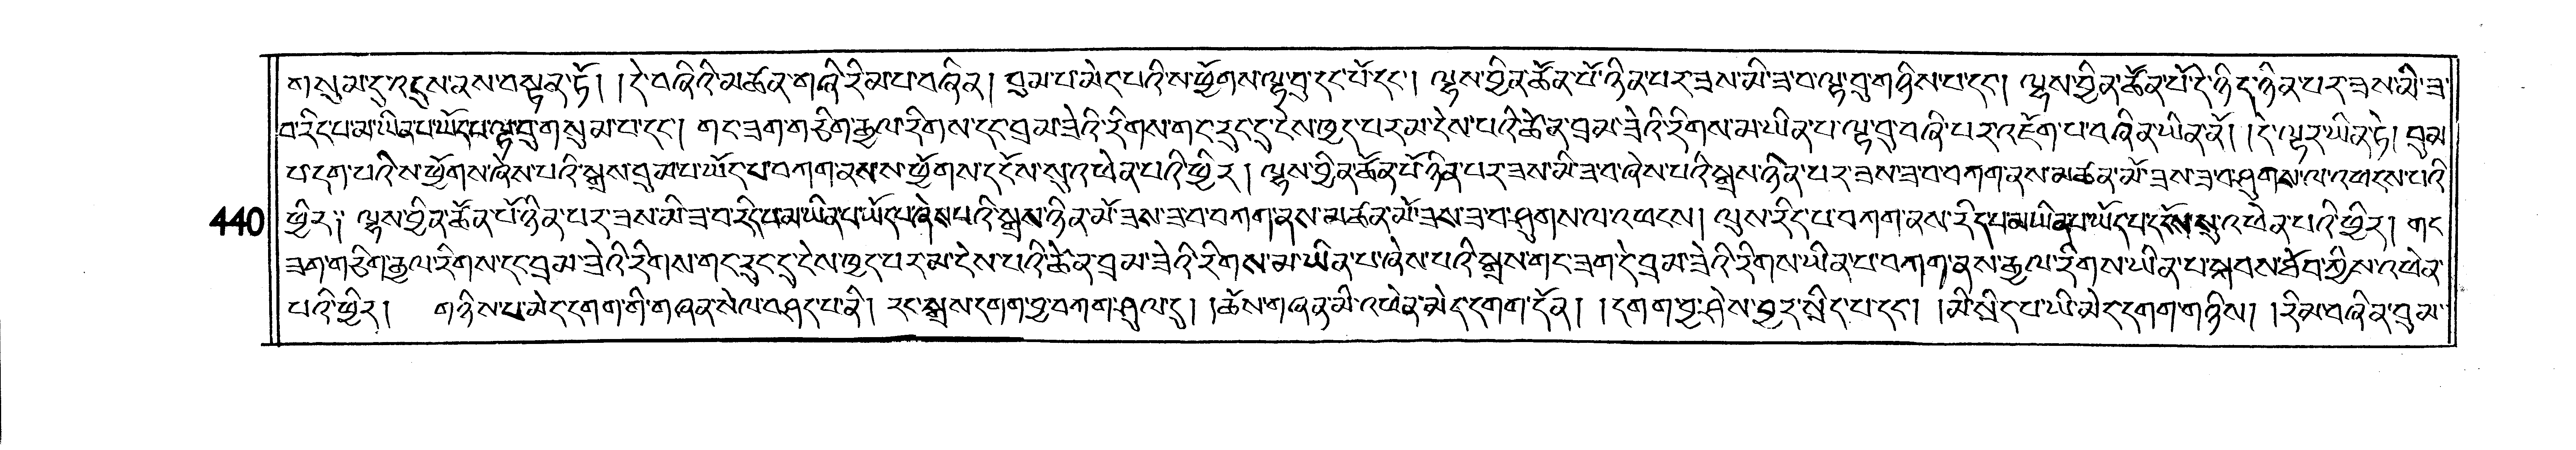གསུམ་དུ་འདུས་ནས་བསྟན་ཏོ། །དེ་བཞིའི་མཚན་གཞི་རིམ་པ་བཞིན། བུམ་པ་མེད་པའི་ས་ཕྱོགས་ལྟ་བུ་དང་པོ་དང་། ལྷས་བྱིན་ཚོན་པོ་ཉིན་པར་ཟས་མི་ཟ་བ་ལྟ་བུ་གཉིས་པ་དང་། ལྷས་བྱིན་ཚོན་པོ་དེ་ཉིད་ཉིན་པར་ཟས་མི་ཟ་
བ་རིང་བ་མ་ཡིན་པ་ཡོད་པ་ལྟ་བུ་གསུམ་པ་དང་། གང་ཟག་གཅིག་རྒྱལ་རིགས་དང་བྲམ་ཟེའི་རིགས་གང་རུང་དུ་ངེས་ཁྱད་པར་མ་ངེས་པའི་ཚེན་བྲམ་ཟེའི་རིགས་མ་ཡིན་པ་ལྟ་བུ་བཞི་པར་འཇོག་པ་བཞིན་ཡིན་ནོ། །དེ་ལྟར་ཡིན་ཏེ། བུམ་
པ་དག་པའི་ས་ཕྱོགས་ཞེས་པའི་སྒྲས་བུམ་པ་ཡོད་པ་བཀག་ནས་ས་ཕྱོགས་དངོས་སུ་འཕེན་པའི་ཕྱིར། ལྷས་བྱིན་ཚོན་པོ་ཉིན་པར་ཟས་མི་ཟ་བ་ཞེས་པའི་སྒྲས་ཉིན་པར་ཟས་ཟ་བ་བཀག་ནས་མཚན་མོ་ཟས་ཟ་བཤུགས་ལ་འཕངས་པའི་
ཕྱིར༑ ལྷས་བྱིན་ཚོན་པོ་ཉིན་པར་ཟས་མི་ཟ་བ་རིང་བ་མ་ཡིན་པ་ཡོད་པ་ཞེས་པའི་སྒྲས་ཉིན་མོ་ཟས་ཟ་བ་བཀག་ནས་མཚན་མོ་ཟས་ཟ་བཤུགས་ལ་འཕངས། ལུས་རིང་བ་བཀག་ནས་རིང་པ་མ་ཡིན་པ་ཡོད་པ་དངོས་སུ་འཕེན་པའི་ཕྱིར། གང་
ཟག་གཅིག་རྒྱལ་རིགས་དང་བྲམ་ཟེའི་རིགས་གང་རུང་དུ་ངེས་ཁྱད་པར་མ་ངེས་པའི་ཚེ་ན་བྲམ་ཟེའི་རིགས་མ་ཡིན་པ་ཞེས་པའི་སྒྲས་གང་ཟག་དེ་བྲམ་ཟེའི་རིགས་ཡིན་པ་བཀག་ནས་རྒྱལ་རིགས་ཡིན་པ་སྐབས་ཐོབ་ཀྱིས་འཕེན་
པའི་ཕྱིར། གཉིས་པ་མེད་དགག་གི་གཞན་སེལ་བཤད་པ་ནི། རང་སྒྲས་དགག་བྱ་བཀག་ཤུལ་དུ། །ཆོས་གཞན་མི་འཕེན་མེད་དགག་དོན། །དགག་བྱ་ཤེས་བྱར་སྲིད་པ་དང་། །མི་སྲིད་པ་ཡི་མེད་དགག་གཉིས། །རིམ་བཞིན་བུམ་